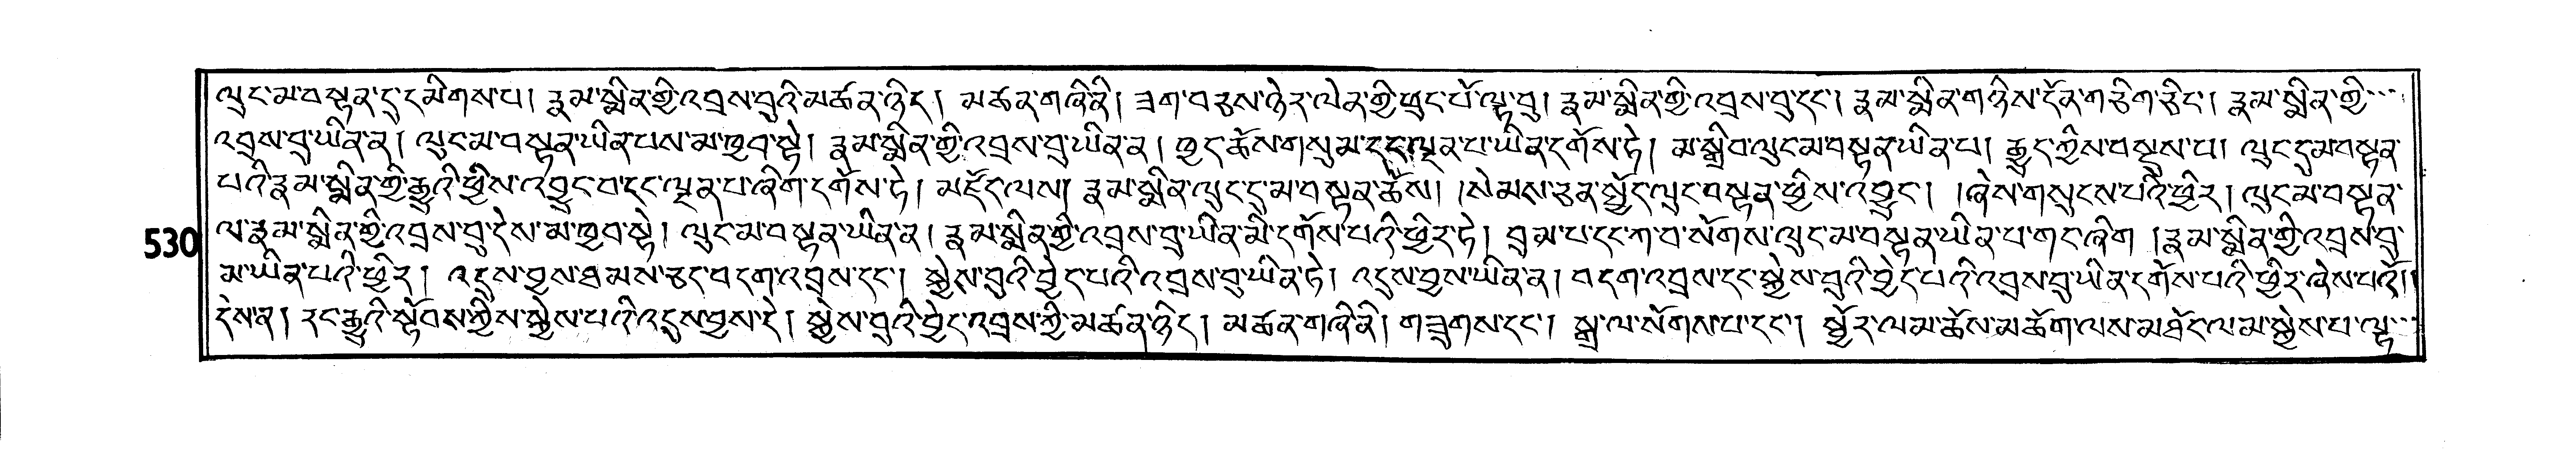ལུང་མ་བསྟན་དུ་དམིགས་པ། རྣམ་སྨིན་གྱི་འབྲས་བུའི་མཚན་ཉིད། མཚན་གཞི་ནི། ཟག་བཅས་ཉེར་ལེན་གྱི་ཕུང་པོ་ལྟ་བུ། རྣམ་སྨིན་གྱི་འབྲས་བུ་དང་། རྣམ་སྨིན་གཉིས་དོན་གཅིག་ཅིང་། རྣམ་སྨིན་གྱི་
འབྲས་བུ་ཡིན་ན། ལུང་མ་བསྟན་ཡིན་པས་མ་ཁྱབ་སྟེ། རྣམ་སྨིན་གྱི་འབྲས་བུ་ཡིན་ན། ཁྱད་ཆོས་གསུམ་དང་ལྡན་པ་ཡིན་དགོས་ཏེ། མ་སྒྲིབ་ལུང་མ་བསྟན་ཡིན་པ། རྒྱུད་ཀྱིས་བསྡུས་པ། ལུང་དུ་མ་བསྟན་
པའི་རྣམ་སྨིན་གྱི་རྒྱུའི་ཕྱིས་འབྱུང་བ་དང་ལྡན་པ་ཞིག་དགོས་ཏེ། མཛོད་ལས། རྣམ་སྨིན་ལུང་དུ་མ་བསྟན་ཆོས། །སེམས་ཅན་སྤྱོད་ལུང་བསྟན་ཕྱིས་འབྱུང་། །ཞེས་གསུངས་པའི་ཕྱིར། ལུང་མ་བསྟན་
ལ་རྣམ་སྨིན་གྱི་འབྲས་བུ་དེས་མ་ཁྱབ་སྟེ། ལུང་མ་བསྟན་ཡིན་ན། རྣམ་སྨིན་གྱི་འབྲས་བུ་ཡིན་མི་དགོས་པའི་ཕྱིར་ཏེ། བུམ་པ་དང་ཀ་བ་སོགས་ལུང་མ་བསྟན་ཡིན་པ་གང་ཞིག །རྣམ་སྨིན་གྱི་འབྲས་བུ་
མ་ཡིན་པའི་ཕྱིར། འདུས་བྱས་ཐམས་ཅད་བདག་འབྲས་དང་། སྐྱེས་བུའི་བྱེད་པའི་འབྲས་བུ་ཡིན་ཏེ། འདུས་བྱས་ཡིན་ན། བདག་འབྲས་དང་སྐྱེས་བུའི་བྱེད་པའི་འབྲས་བུ་ཡིན་དགོས་པའི་ཕྱིར་ཞེས་པའོ། །
དེས་ན། རང་རྒྱུའི་སྟོབས་ཀྱིས་སྐྱེས་པའི་འདུས་བྱས་ཏེ། སྐྱེས་བུའི་བྱེད་འབྲས་ཀྱི་མཚན་ཉིད། མཚན་གཞི་ནི། གཟུགས་དང་། སྒྲ་ལ་སོགས་པ་དང་། སྦྱོར་ལམ་ཆོས་མཆོག་ལས་མཐོང་ལམ་སྐྱེས་པ་ལྟ་